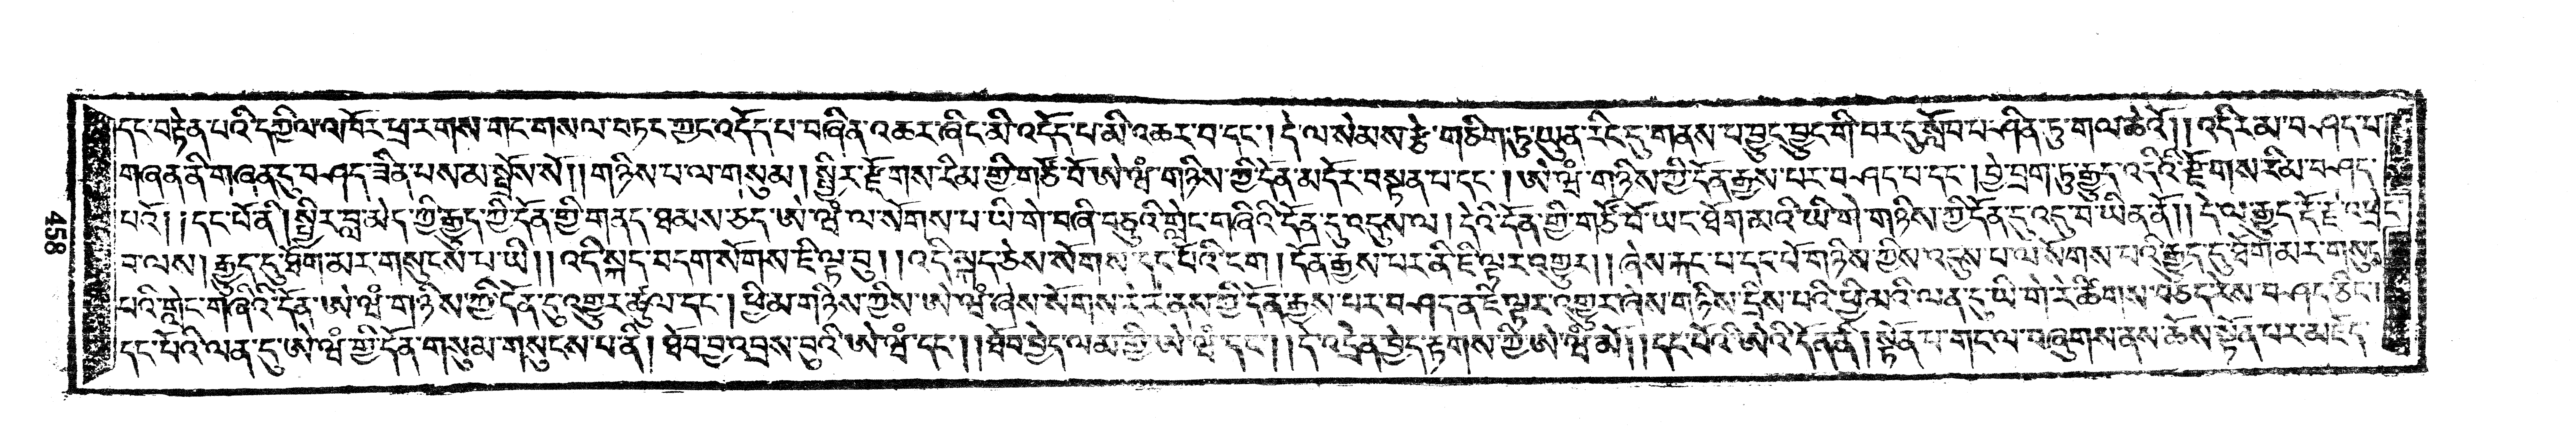དང་བརྟེན་པའི་དཀྱིལ་འཁོར་ཕྲ་རགས་གང་གསལ་བཏབ་ཀྱང་འདོད་པ་བཞིན་འཆར་ཞིང་མི་འདོད་པ་མི་འཆར་བ་དང་། དེ་ལ་སེམས་རྩེ་གཅིག་ཏུ་ཡུན་རིང་དུ་གནས་པ་བྱུང་བྱུང་གི་བར་དུ་སློབ་པ་ཤིན་ཏུ་གལ་ཆེའོ། །འདིར་མ་བཤད་པ་
གཞན་ནི་གཞན་དུ་བཤད་ཟིན་པས་མ་སྤྲོས་སོ། །གཉིས་པ་ལ་གསུམ། སྤྱིར་རྫོགས་རིམ་གྱི་གཙོ་བོ་ཨེ་ཝཾ་གཉིས་ཀྱི་དོན་མདོར་བསྟན་པ་དང་། ཨེ་ཝཾ་གཉིས་ཀྱི་དོན་རྒྱས་པར་བཤད་པ་དང་། བྱེ་བྲག་ཏུ་རྒྱུད་འདིའི་རྫོགས་རིམ་བཤད་
པའོ། །དང་པོ་ནི། སྤྱིར་བླ་མེད་ཀྱི་རྒྱུད་ཀྱི་དོན་གྱི་གནད་ཐམས་ཅད་ཨེ་ཝཾ་ལ་སོགས་པ་ཡི་གེ་བཞི་བཅུའི་གླེང་གཞིའི་དོན་དུ་འདུས་ལ། དེའི་དོན་གྱི་གཙོ་བོ་ཡང་ཐོག་མའི་ཡི་གེ་གཉིས་ཀྱི་དོན་དུ་འདུ་བ་ཡིན་ནོ། །དེ་ལ་རྒྱུད་རྡོ་རྗེ་འཕྲེང་
བ་ལས། རྒྱུད་དུ་ཐོག་མར་གསུངས་པ་ཡི། །འདི་སྐད་བདག་སོགས་ཇི་ལྟ་བུ། །འདི་སྐད་ཅེས་སོགས་དང་པོའི་ངག །དོན་རྒྱས་པར་ནི་ཇི་ལྟར་འགྱུར། །ཞེས་རྐང་པ་དང་པོ་གཉིས་ཀྱིས་འདུས་པ་ལ་སོགས་པའི་རྒྱུད་དུ་ཐོག་མར་གསུངས་
པའི་གླེང་གཞིའི་དོན་ཨེ་ཝཾ་གཉིས་ཀྱི་དོན་དུ་འགྱུར་ཚུལ་དང་། ཕྱི་མ་གཉིས་ཀྱིས་ཨེ་ཝཾ་ཞེས་སོགས་རེ་རེ་ནས་ཀྱི་དོན་རྒྱས་པར་བཤད་ན་ཇི་ལྟར་འགྱུར་ཞེས་གཉིས་དྲིས་པའི་ཕྱི་མའི་ལན་དུ་ཡི་གེ་རེ་ཚིགས་བཅད་རེས་བཤད་ཅིང་།
དང་པོའི་ལན་དུ་ཨེ་ཝཾ་གྱི་དོན་གསུམ་གསུངས་པ་ནི། ཐོབ་བྱ་འབྲས་བུའི་ཨེ་ཝཾ་དང་། །ཐོབ་བྱེད་ལམ་གྱི་ཨེ་ཝཾ་དང་། །དེ་འདྲེན་བྱད་རྟགས་ཀྱི་ཨེ་ཝཾ་མོ། །དང་པོའི་ཨེའི་དོན་ནི། སྟོན་པ་གང་ལ་བཞུགས་ནས་ཆོས་སྟོན་པར་མཛད་